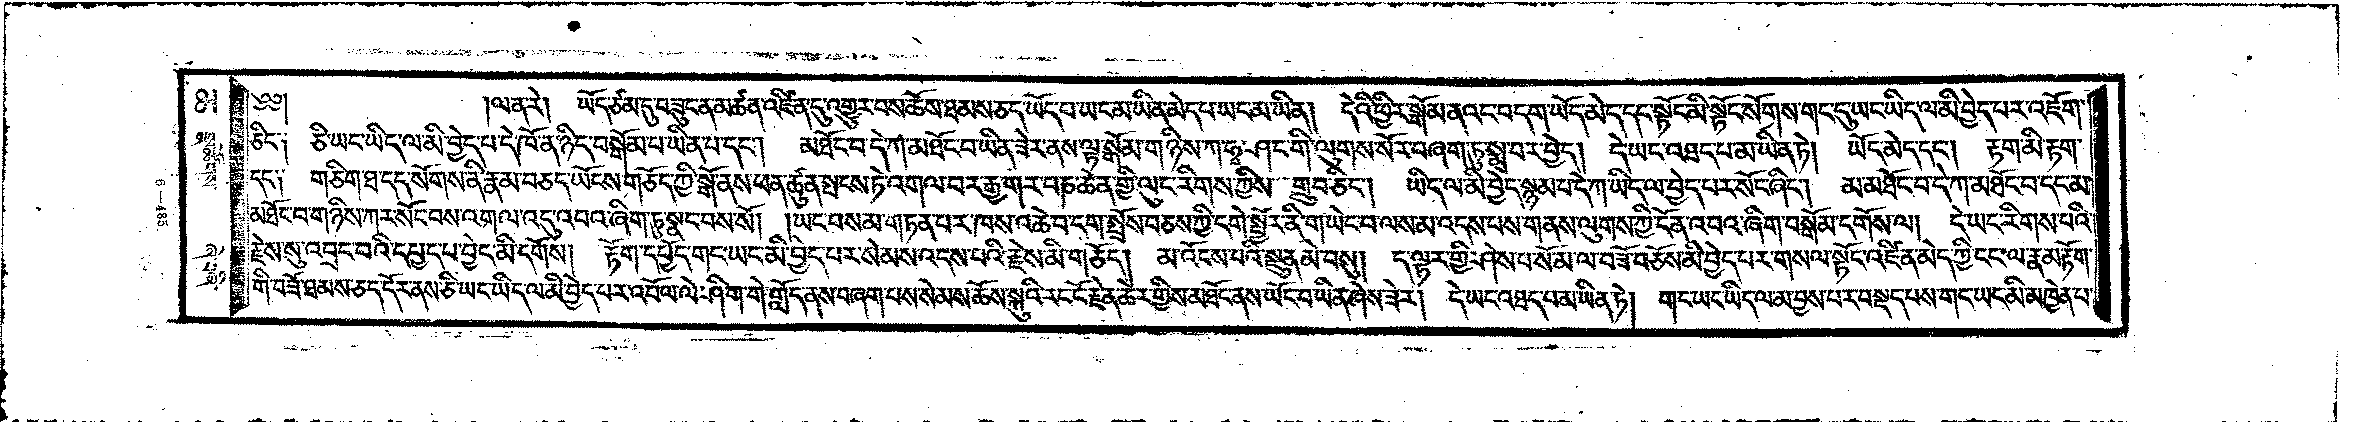༄༅། །ལན་རེ། ཡོད་ཙམ་དུ་བཟུང་ན་མཚན་འཛིན་དུ་འགྱུར་བས་ཆོས་ཐམས་ཅད་ཡོད་པ་ཡང་མ་ཡིན་མེད་པ་ཡང་མ་ཡིན། དེའི་ཕྱིར་སྒོམ་ནའང་བདག་ཡོད་མེད་དང་སྟོང་མི་སྟོང་སོགས་གང་དུ་ཡང་ཡིད་ལ་མི་བྱེད་པར་འཇོག་
ཅིང༑ ཅི་ཡང་ཡིད་ལ་མི་བྱེད་པ་དེ་ཁོ་ན་ཉིད་བསྒོམ་པ་ཡིན་པ་དང་། མཐོང་བ་དེ་ཀ་མཐོང་བ་ཡིན་ཟེར་ནས་ལྟ་སྒོམ་གཉིས་ཀ་ཧྭ་ཤང་གི་ལུགས་སོར་བཞག་ཏུ་སྨྲ་བར་བྱེད། དེ་ཡང་འཐད་པ་མ་ཡིན་ཏེ། ཡོད་མེད་དང་། རྟག་མི་རྟག་
དང༑ གཅིག་ཐ་དད་སོགས་ནི་རྣམ་བཅད་ཡོངས་གཅོད་ཀྱི་སྒོ་ནས་ཕན་ཚུན་སྤངས་ཏེ་འགལ་བར་རྒྱ་གར་པཎ་ཆེན་གྱི་ལུང་རིགས་ཀྱིས་གྲུབ་ཅིང་། ཡིད་ལ་མི་བྱེད་སྙམ་པ་དེ་ཀ་ཡིད་ལ་བྱེད་པར་སོང་ཞིང་། མ་མཐོང་བ་དེ་ཀ་མཐོང་བ་དང་མ་
མཐོང་བ་གཉིས་ཀར་སོང་བས་འགལ་འདུ་འབའ་ཞིག་ཏུ་སྣང་བས་སོ། །ཡང་བསམ་གཏན་པར་ཁས་འཆེ་བ་དག་སྤྲོས་བཅས་ཀྱི་དགེ་སྦྱོར་ནི་གཡེང་བ་ལས་མ་འདས་པས་གནས་ལུགས་ཀྱི་དོན་འབའ་ཞིག་བསྒོམ་དགོས་ལ། དེ་ཡང་རིགས་པའི་
རྗེས་སུ་འབྲང་བའི་དཔྱད་པ་བྱེད་མི་དགོས། རྟོག་དཔྱོད་གང་ཡང་མི་བྱེད་པར་སེམས་འདས་པའི་རྗེས་མི་གཅོད། མ་འོངས་བའི་སྡུན་མེ་བསུ། ད་ལྟར་གྱི་ཤེས་པ་སོ་མ་ལ་བཟོ་བཅོས་མི་བྱེད་པར་གསལ་སྟོང་འཛིན་མེད་ཀྱི་ངང་ལ་རྣམ་རྟོག་
གི་བཟོ་ཐམས་ཅད་དོར་ནས་ཅི་ཡང་ཡིད་ལ་མི་བྱེད་པར་འབོལ་ལེ་ཤིག་གེ་གློད་ནས་བཞག་པས་སེམས་ཆོས་སྐུའི་རང་ངོ་རྗེན་ཆེར་གྱིས་མཐོང་ནས་ཡོང་བ་ཡིན་ཞེས་ཟེར། དེ་ཡང་འཐད་པ་མ་ཡིན་ཏེ། གང་ཡང་ཡིད་ལ་མ་བྱས་པར་བསྡད་པས་གང་ཡང་མི་མཁྱེན་པ་